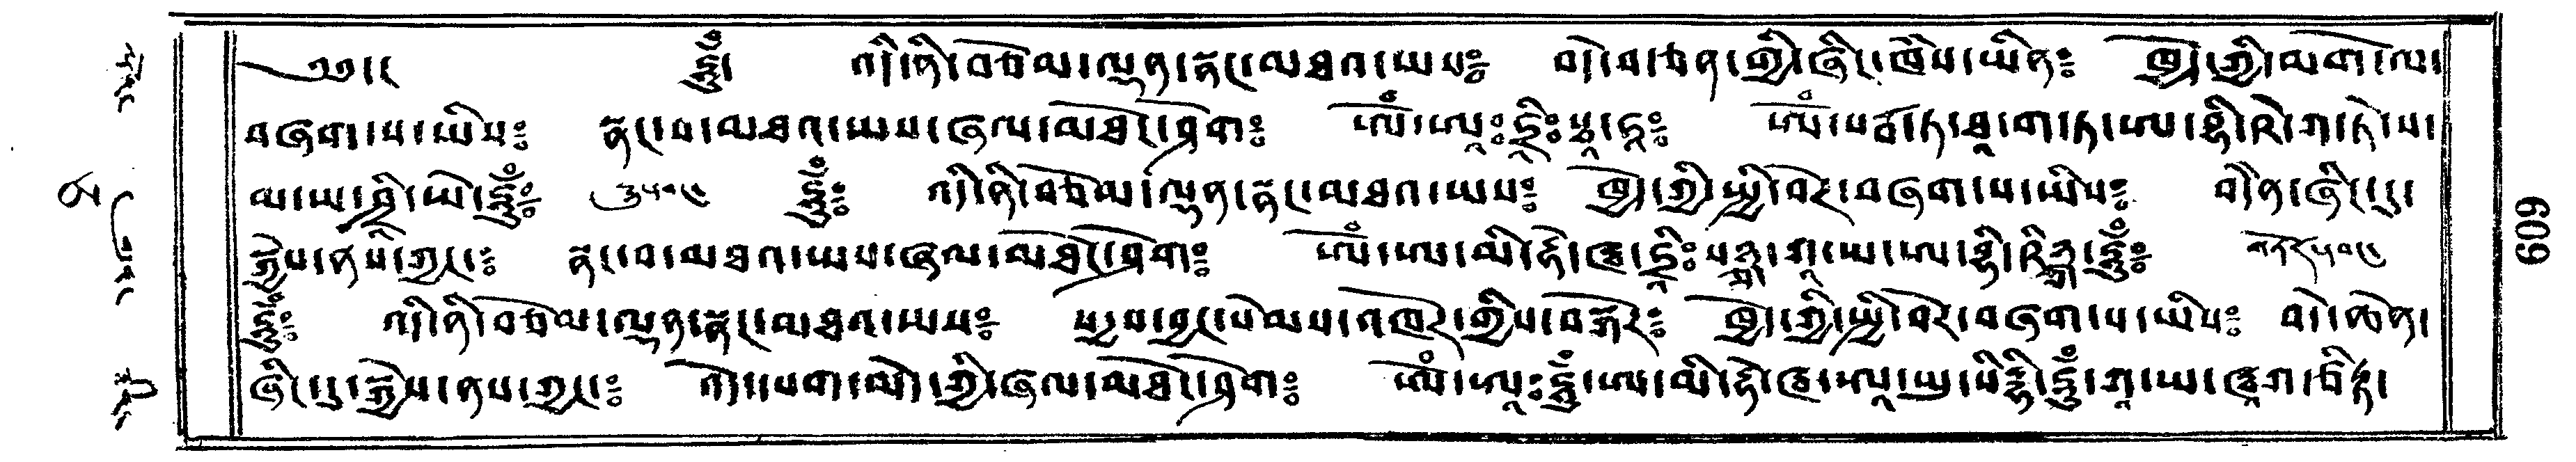ཧཱུྃ༔ འདི་ནི་བཅོམ་ལྡན་སྣང་མཐའ་ཡས༔ བདེ་བ་ཅན་གྱི་ཞིང་ཁམས་ཡིན༔ ཁྱོད་ཀྱི་མགོ་ལ་
བཞག་པ་ཡིས༔ སྣང་བ་མཐའ་ཡས་ཞལ་མཐོང་ཤོག༔ ཨོཾ་ཨཱཿཧྲཱིཿསྭ་ཧཱ༔ ཨོཾ་སརྦ་ཏ་ཐཱ་ག་ཏ་ཨ་བྷི་རེ་ཀ་ཏེ་ས་
མ་ཡ་ཤྲཱི་ཡེ་ཧཱུྃ༔ སྐུ་དབང་། ཧཱུྃ༔ འདི་ནི་བཅོམ་ལྡན་སྣང་མཐའ་ཡས༔ ཁྱོད་ཀྱི་སྤྱི་བོར་བཞག་པ་ཡིས༔ བདེ་ཆེན་ཞིང་དུ་
སྐྱེས་ནས་ཀྱང༔ སྣང་བ་མཐའ་ཡས་ཞལ་མཐོང་ཤོག༔ ཨོཾ་ཨ་མི་དྷེ་ཝ་ཧྲཱིཿཔཉྩ་ཀཱ་ཡ་ཨ་བྷི་རིཉྩ་ཧཱུྃ༔ གཏོར་དབང་། 
ཧཱུྃ༔ འདི་ནི་བཅོམ་ལྡན་སྣང་མཐའ་ཡས༔ སངས་རྒྱས་བྱང་སེམས་འཁོར་གྱིས་བསྐོར༔ ཁྱོད་ཀྱི་སྤྱི་བོར་བཞག་པ་ཡིས༔ བདེ་ཆེན་
ཞིང་དུ་སྐྱེས་ནས་ཀྱང༔ འོད་དཔག་མེད་ཀྱི་ཞལ་མཐོང་ཤོག༔ ཨོཾ་ཨཱཿཧཱུྃ་ཨ་མི་དྷེ་ཝ་ཨཱ་ཡུ་སིདྡྷི་ཧཱུྃ་ཀཱ་ཡ་ཝཱཀྐ་ཙིཏྟ་